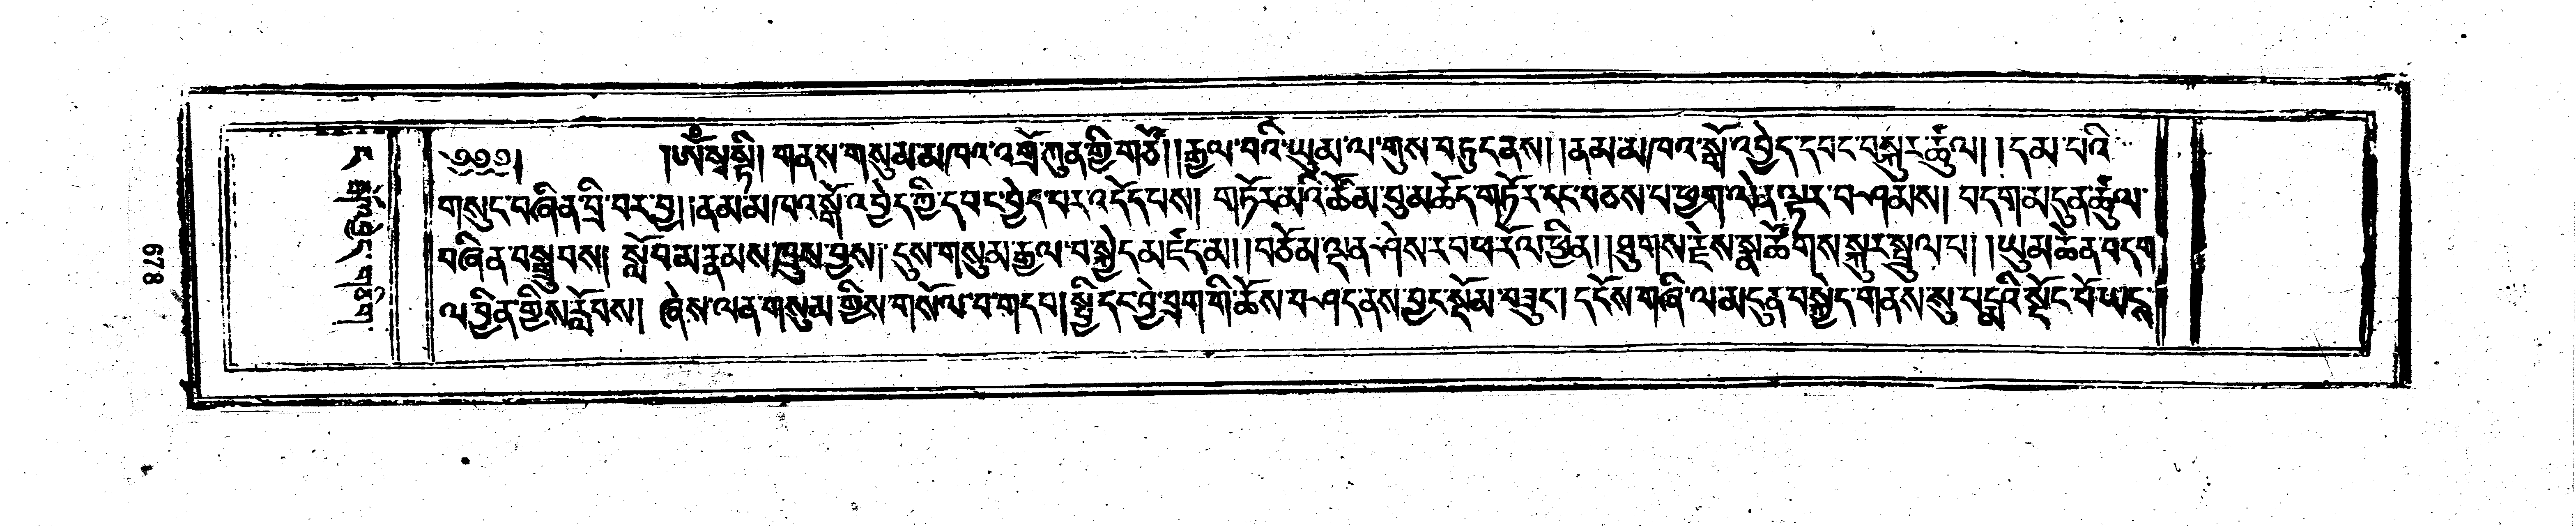༄༅༅། །ཨོཾ་སྭསྟི། གནས་གསུམ་མཁའ་འགྲོ་ཀུན་གྱི་གཙོ། །རྒྱལ་བའི་ཡུམ་ལ་གུས་བཏུད་ནས། །ནམ་མཁའ་སྒོ་འབྱེད་དབང་བསྐུར་ཚུལ། །དམ་པའི་
གསུང་བཞིན་བྲི་བར་བྱ། །ནམ་མཁའ་སྒོ་འབྱེད་ཀྱི་དབང་བྱེད་པར་འདོད་པས། གཏོར་མའི་ཚོ་མ་བུ་མཆོད་གཏོར་དང་བཅས་པ་ཕྱག་ལེན་ལྟར་བཤམས། བདག་མདུན་ཚུལ་
བཞིན་བསྒྲུབས། སློབ་མ་རྣམས་ཁྲུས་བྱས། དུས་གསུམ་རྒྱལ་བ་སྐྱེད་མཛད་མ། །བཅོམ་ལྡན་ཤེས་རབ་ཕ་རོལ་ཕྱིན། །ཐུགས་རྗེས་སྣ་ཚོགས་སྐུར་སྤྲུལ་པ། །ཡུམ་ཆེན་བདག་
ལ་བྱིན་གྱིས་རློབས། ཞེས་ལན་གསུམ་གྱིས་གསོལ་བ་གདབ། སྤྱི་དང་བྱེ་བྲག་གི་ཆོས་བཤད་ནས་བྱང་སྡོམ་བཟུང་། དངོས་གཞི་ལ་མདུན་བསྐྱེད་གནས་སུ་པདམའི་སྡོང་པོ་ཡངས་